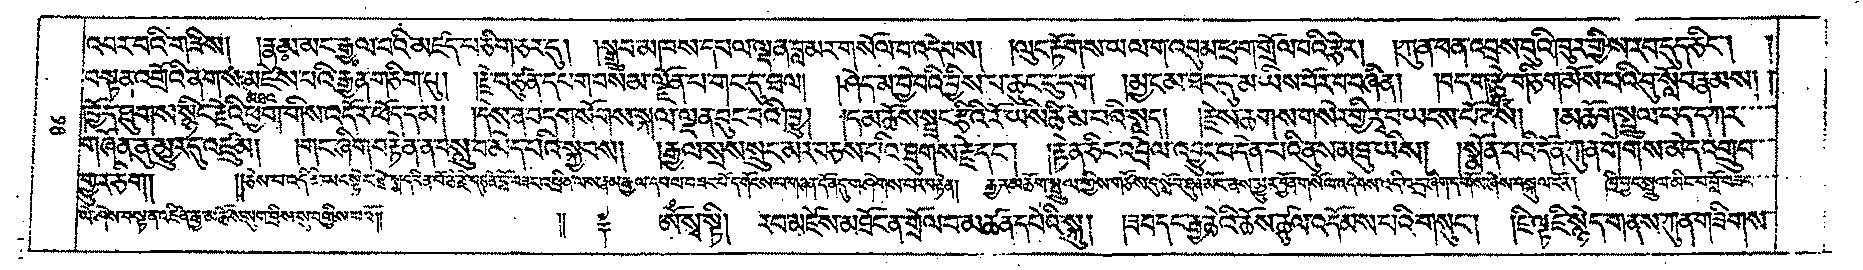འབར་བའི་གཟིས། །རྣམ྾་མང་རྒྱལ྾་བའི་མཛད་པ་ཅིག་ཅར་དུ། །སྒྲུབ་མཁས་དཔལ་ལྡན་བླ་མར་གསོལ་བ་འདེབས། །ལུང་རྟོགས་ཡལ་ག་འབུམ་ཕྲག་གྲོལ་བའི་རྩེར། །ཀུན་ཕན་འབྲས་བུའི་ཁུར་གྱིས་རབ་དུད་ཅིང་། །
བསྟན་འགྲོའི་ནགས་མཐའ་མཛེས་པའི་རྒྱན་གཅིག་པུ། །རྗེ་བཙུན་དཔག་བསམ་ལྗོན་པ་གང་དུ་ཐལ། །ཤེད་མ་བྱེ་བའི་བྱིས་པ་ཆུང་ངུ་དག །མྱ་ངམ་ཐང་དུ་མ་ཡིས་བོར་བ་བཞིན། །བདག་མར་རྩེ་གཅིག་མོས་པའི་བུ་སློབ་རྣམས། །
ཁྱོད་ཐུགས་སྙིང་རྗེའི་ཕྱག་གིས་འདོར་ཕོད་དམ། །དེས་ན་བདག་སོགས་སྐལ་ལྡན་བུང་བའི་ཁྱུ། །དམ་ཆོས་སྦྲང་རྩིའི་རོ་ཡིས་ཚིམ་པའི་སླད། །རྗེས་ཆགས་གསེར་གྱི་རྭ་བ་ཡངས་པོ་ནས། །མཆོག་སྤྲུལ་པད་དཀར་
གཞོན་ནུ་མྱུར་དུ་འཛུམ། །གང་ཞིག་བརྟེན་ན་བསླུ་བ་མེད་པའི་སྐྱབས། །རྒྱལ་སྲས་སྲུང་མར་བཅས་པའི་ཐུགས་རྗེ་དང་། །རྟེན་ཅིང་འབྲེལ་འབྱུང་བདེན་པའི་ནུས་མཐུ་ཡིས། །སྨོན་པའི་དོན་ཀུན་གེགས་མེད་འགྲུབ་
གྱུར་ཅིག ། །།ཅེས་པ་འདི་ནི་ཡང་སྟེང་རྫེ་སྨད་རིན་པོ་ཆེ་རྗེ་བཙུན་བློ་བཟང་འཕྲིན་ལས་རྣམ་རྒྱལ་དཔལ་བཟང་པོ་དགོངས་པ་གཞན་དོན་དུ་གཤེགས་པར་བརྟེན། རྒྱར་མཆོག་སྤྲུལ་གྱིས་གཙོས་བུ་སློབ་ཐུན་མོང་ནས་མྱུར་བྱོན་གསོལ་འདེབས་འདི་འདྲ་ཞིག་དགོས་ཞེས་བསྐུལ་ངོར། ཁྲི་བྱང་སྤྲུལ་མིང་པ་བློ་བཟང་
ཡེ་ཤེས་བསྟན་འཛིན་རྒྱ་མཚོས་སུག་བྲིས་སུ་བགྱིས་པའོ།། །། ༈ ཨོཾ་སྭ་སྟི། རབ་མཛེས་མཐོང་ན་གྲོལ་བ་མཚན་དཔེའི་སྐུ། །ཟབ་དང་རྒྱ་ཆེའི་ཆོས་ཚུལ་འདོམས་པའི་གསུང་། །ཇི་ལྟ་ཇི་སྙེད་གནས་ཀུན་གཟིགས་